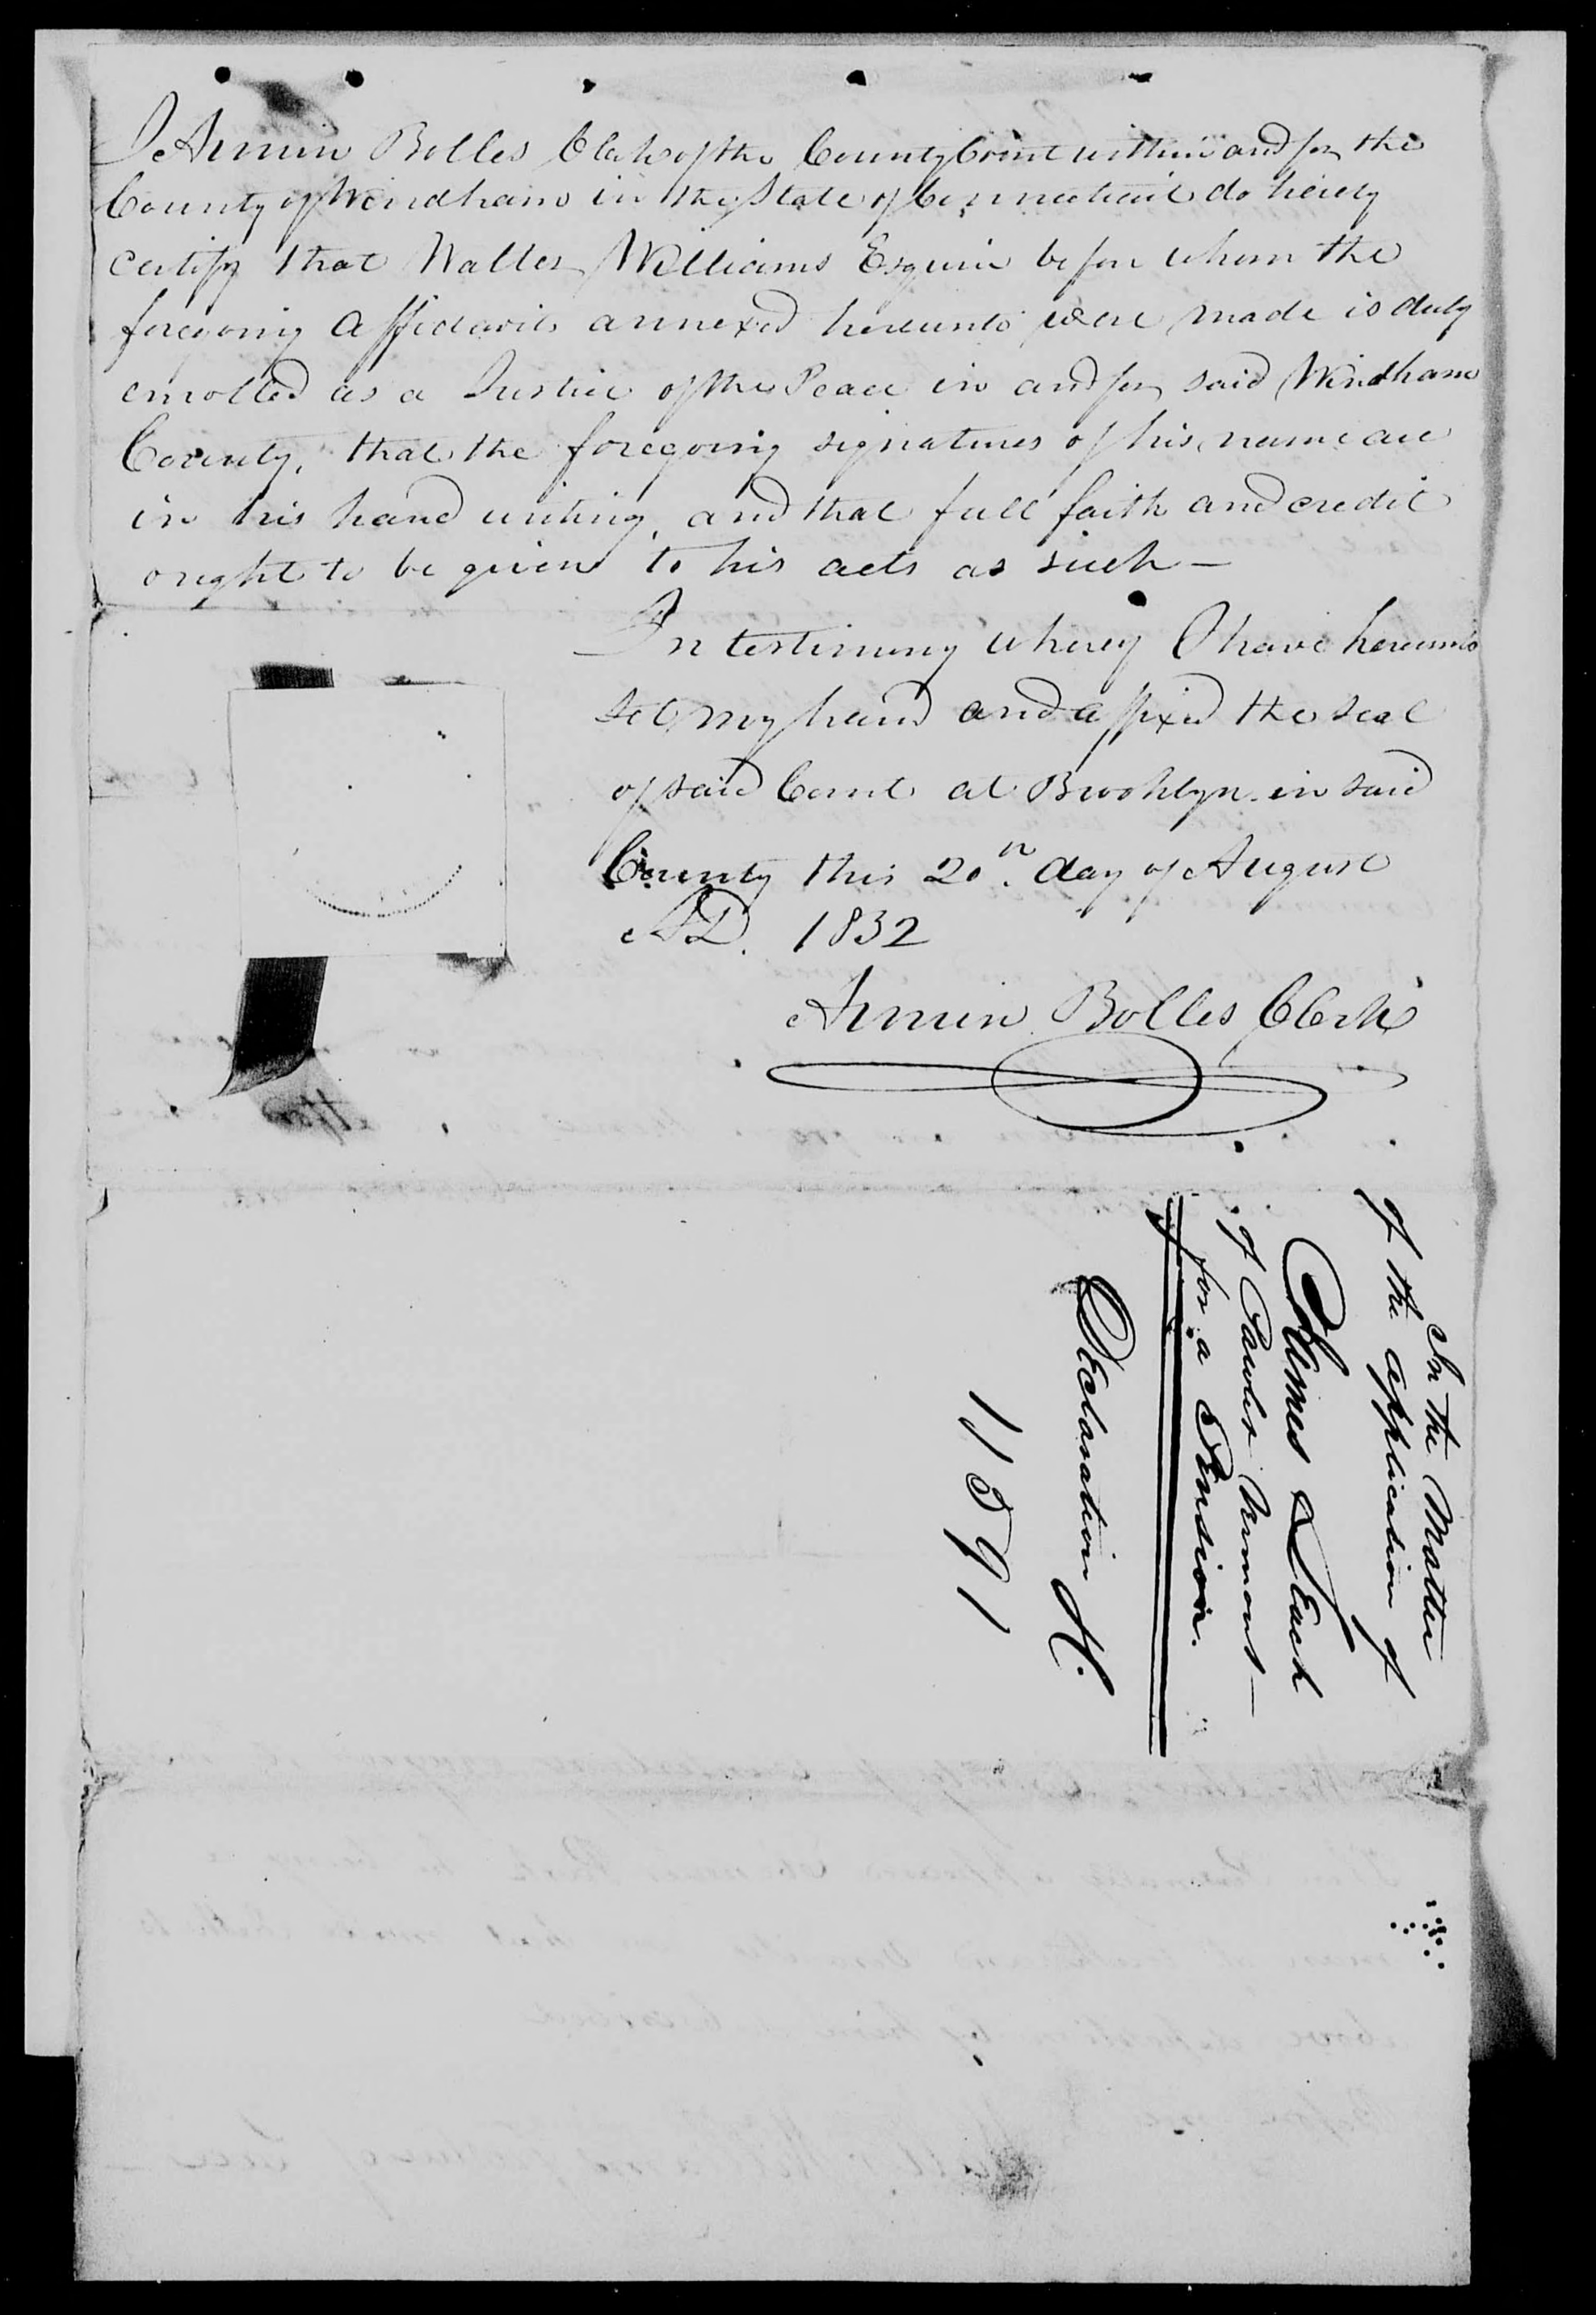I Armin Bolles Clerk of the County Court within and for the County of Windham in the State of Connecticut do hereby certify that Walter Williams Esquire before whom the foregoing affidavits annexed hereunto were made is duly enrolled as a Justice of the Peace in and for said Windham County, that the foregoing signatures of his name are in his hand writing and that full faith and credit ought to be given to his acts as such - 
In testimony whereof I have hereunto set my hand and affixed the seal of said Court at Brooklyn in said County this 20th day of August AD. 1832
Armin Bolles, Clerk

In the matter of the application of James Leach of Pawlet Vermont for a Pension
Declaration 
11591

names: Armin Bolles; Walter Williams; James Leach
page: 13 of 27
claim: widow's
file: W. 24,500, for James Leach, Connecticut